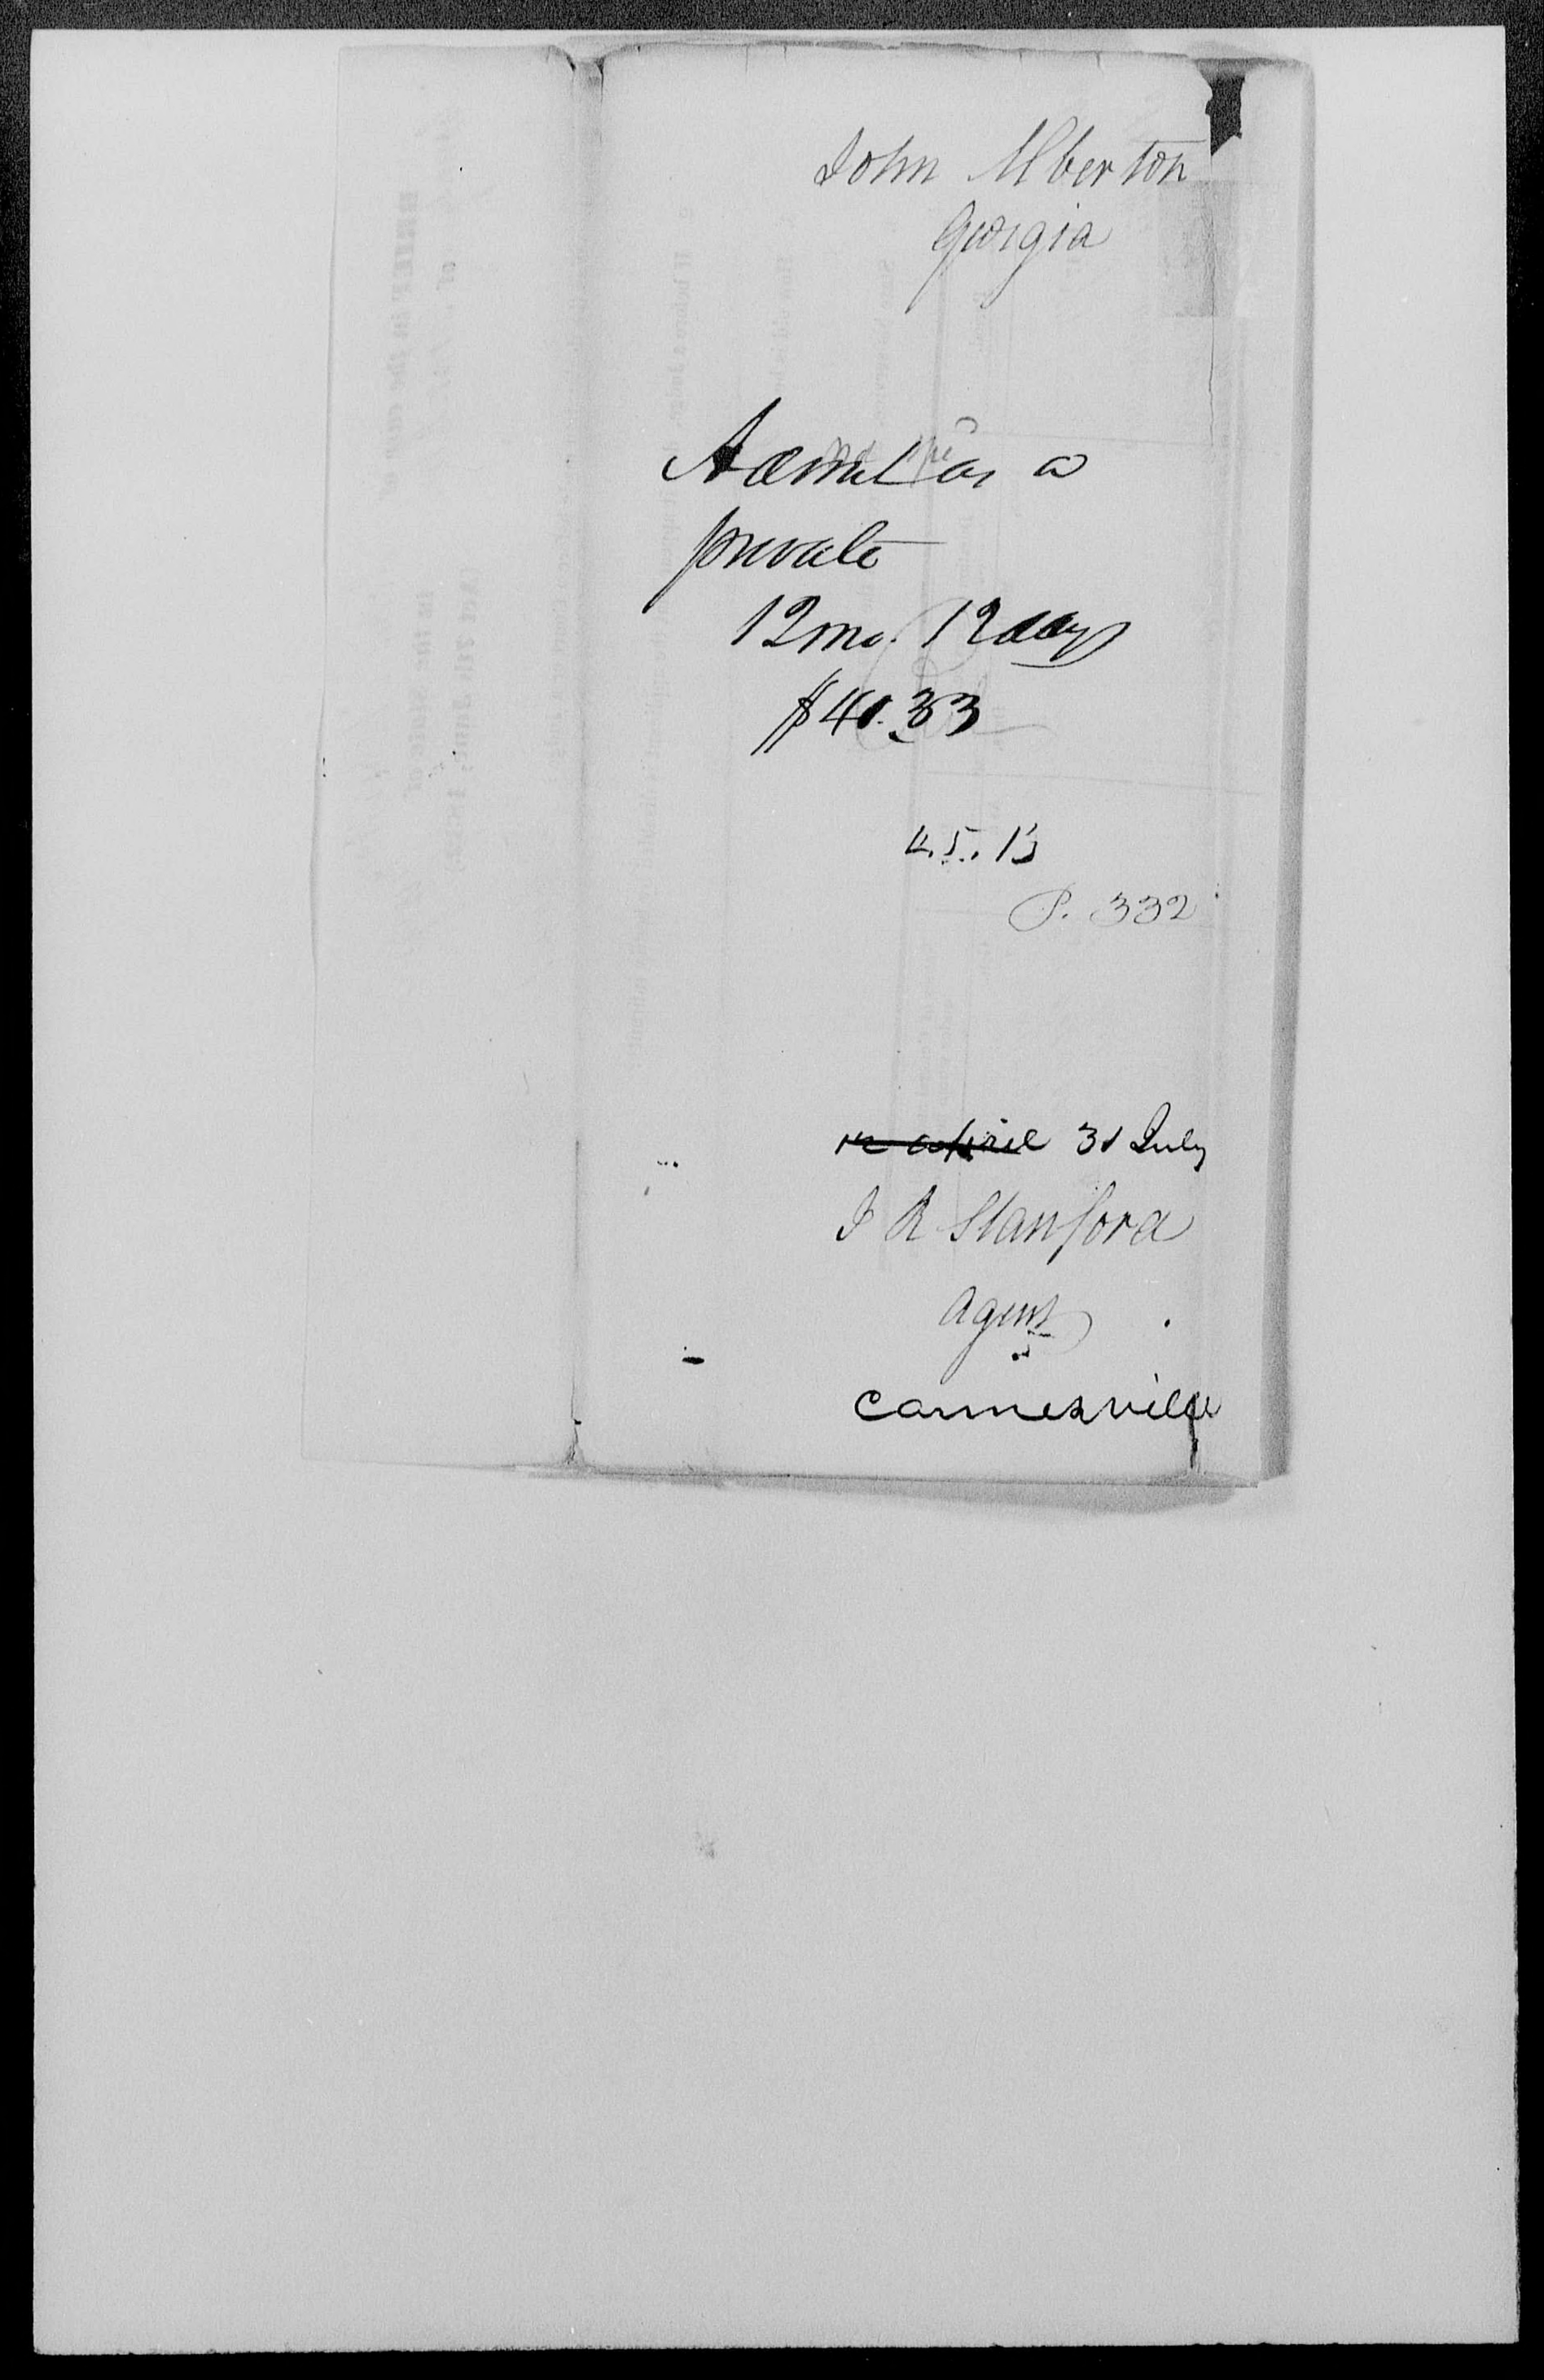John Alberton
Georgia
[illegible] as a private 12 mo. 12 day $41.33
4.5.13
P. 332
[two words crossed out] 30 July
J R Stanford agent Carnnesville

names: J R Stanford, John Alberton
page: 8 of 22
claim: survivor's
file: S. 31,517, John Allbritton, S.C.